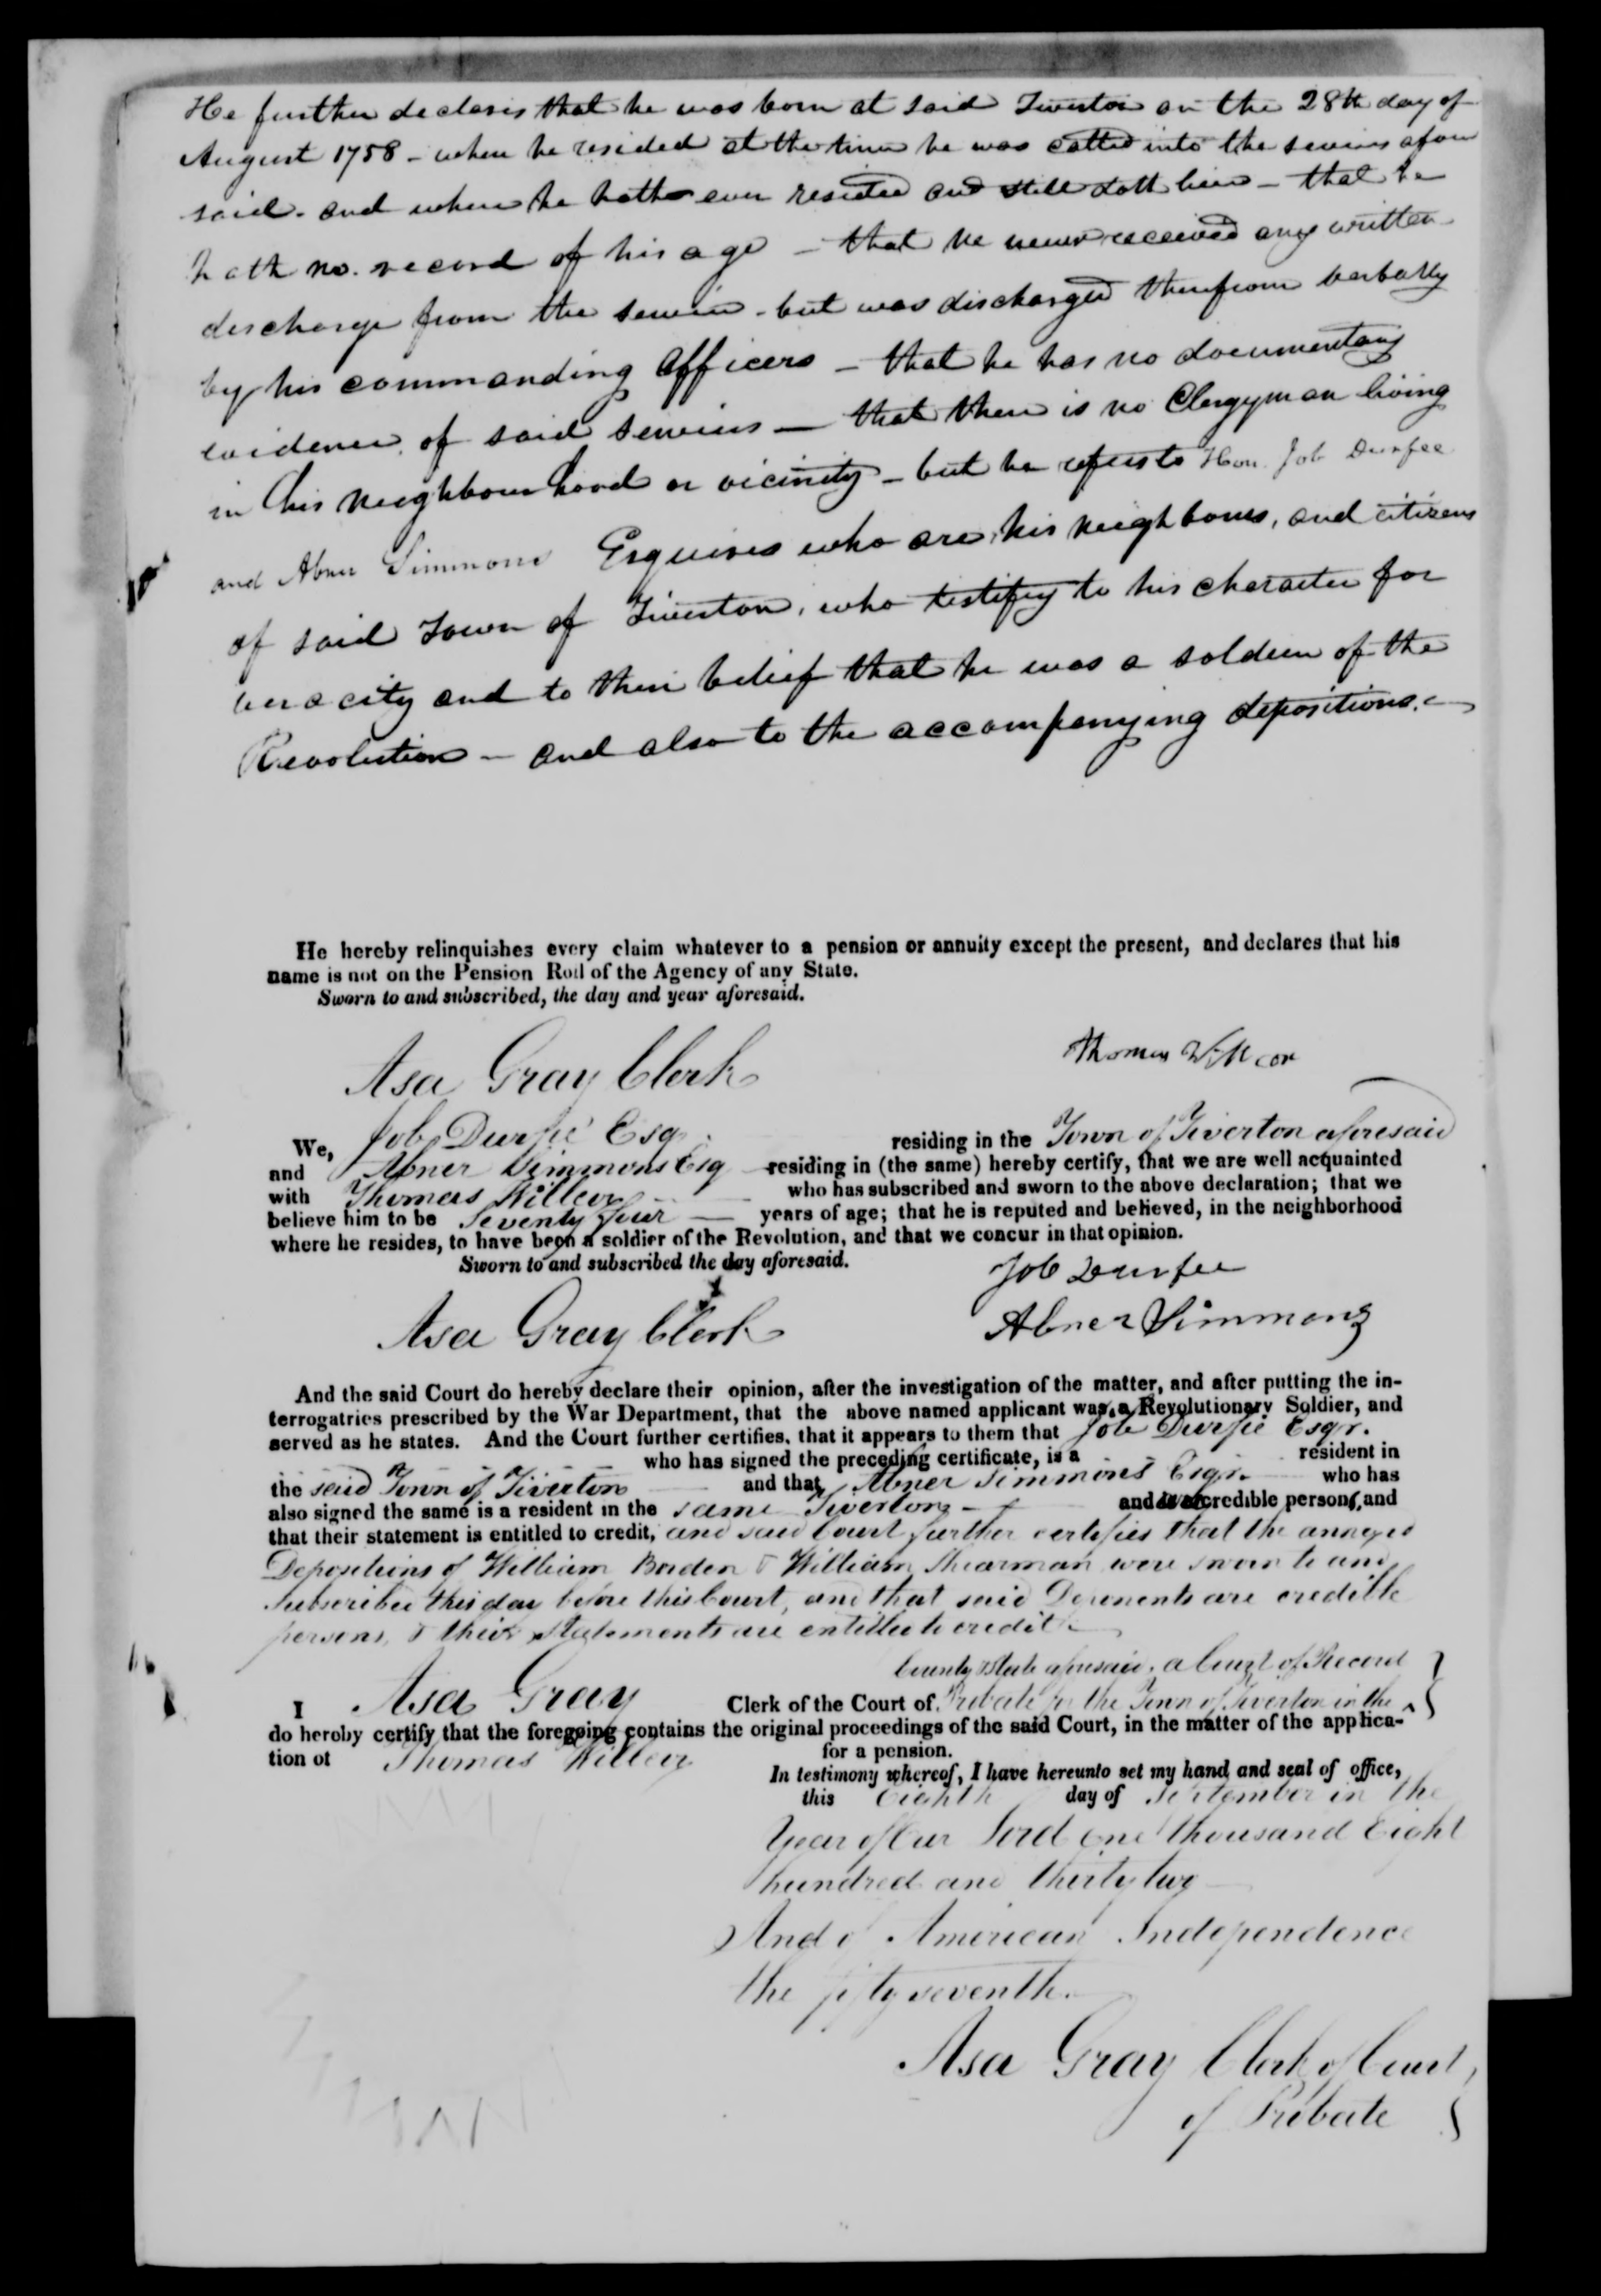He further declares that he was born at said Tiverton on the 28th day of
August 1758. where he resided at the time he was called into the service afore
said. and where he hath ever resided and still doth lives-- that he
hath no record of his age. that he never received any written
discharge from the service, but was discharged therefrom verbally
by his commanding officers- that he has no documentary
evidence of said services- that there is no Clergyman living in
his neighbourhood or vicinity-- but he refers to Hon Job Durfee
and Abner Simmons Esquires who are his neighbours, and citizens
of said Town of Tiverton, who testify to his character for
veracity and to their belief that he was a soldier of the
Revolution, and also to the accompanying depositions.-
He hereby relinquishes every claim whatever to a pension or annuity except the present, and declares that his
name is not on the Pension Roll of the Agency of any State.
Sworn to and subscribed, the day and year aforsaid.
Asa Gray Clerk
Thomas Willcox [signature]
We, Job Durfee Esq. 
residing in the Town of Tiverton aforesaid
and
Abner Simmons residing in (the same) hereby certify, that we are well acquainted
with Thomas Willcox- who has subscribed and sworn to the above declaration; that we believe him to be
seventy four years of age; that he is reputed and believed, in the neighborhood
where he resides, to have been a soldier of the Revolution, and that we concur in that opinion.
Sworn to and subscribed the day aforesaid.
Asa Gray Clerk
Job Durfee
Abner Simmons

And the said Court do hereby declare their opinion, after the investigation of the matter, and after putting the interrogatries
prescribed by the War Department, that the above named applicant was a Revolutionary Soldier, and
served as he states. And the Court further certifies, that it appears to them that Job Durfee Esq.
who has signed the preceding certificate, is a resident in
the said Town of Tiverton and that
Abner Simmons Esq.
who has signed the same is a resident in the same Tiverton
and credible persons, and
that their statement is entitled to credit, and said Court further certifies that the annexed
Depositions of William Borden & William Shearman were sworn to and
Subscribed this day before this Court, and that said [illegible] are credible
persons, & their statements are entitled to credit
I, Asa Gray, Clerk of the Court of, Probate in the Town of Tiverton in the 
County  & state aforesaid, a Court of Record

do hereby certify that the foregoing contains the original proceedings of the said Court, in the matter of the application of 
Thomas Willcox
for a pension.
In testimony whereof, I have hereunto set my hand and seal of office,
this eighth day of September in the Year of Our Lord one thousand Eight
hundred and thirty two
And American Independence
the fifty seventh
Asa Gray Clerk of Court,
of Probate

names: Asa Gray, Job Durfee, Thomas Willcox, William Shearman, Abner Simmons, William Borden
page: 10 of 39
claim: widow's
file: W. 26046, Thomas Willcox, R.I.